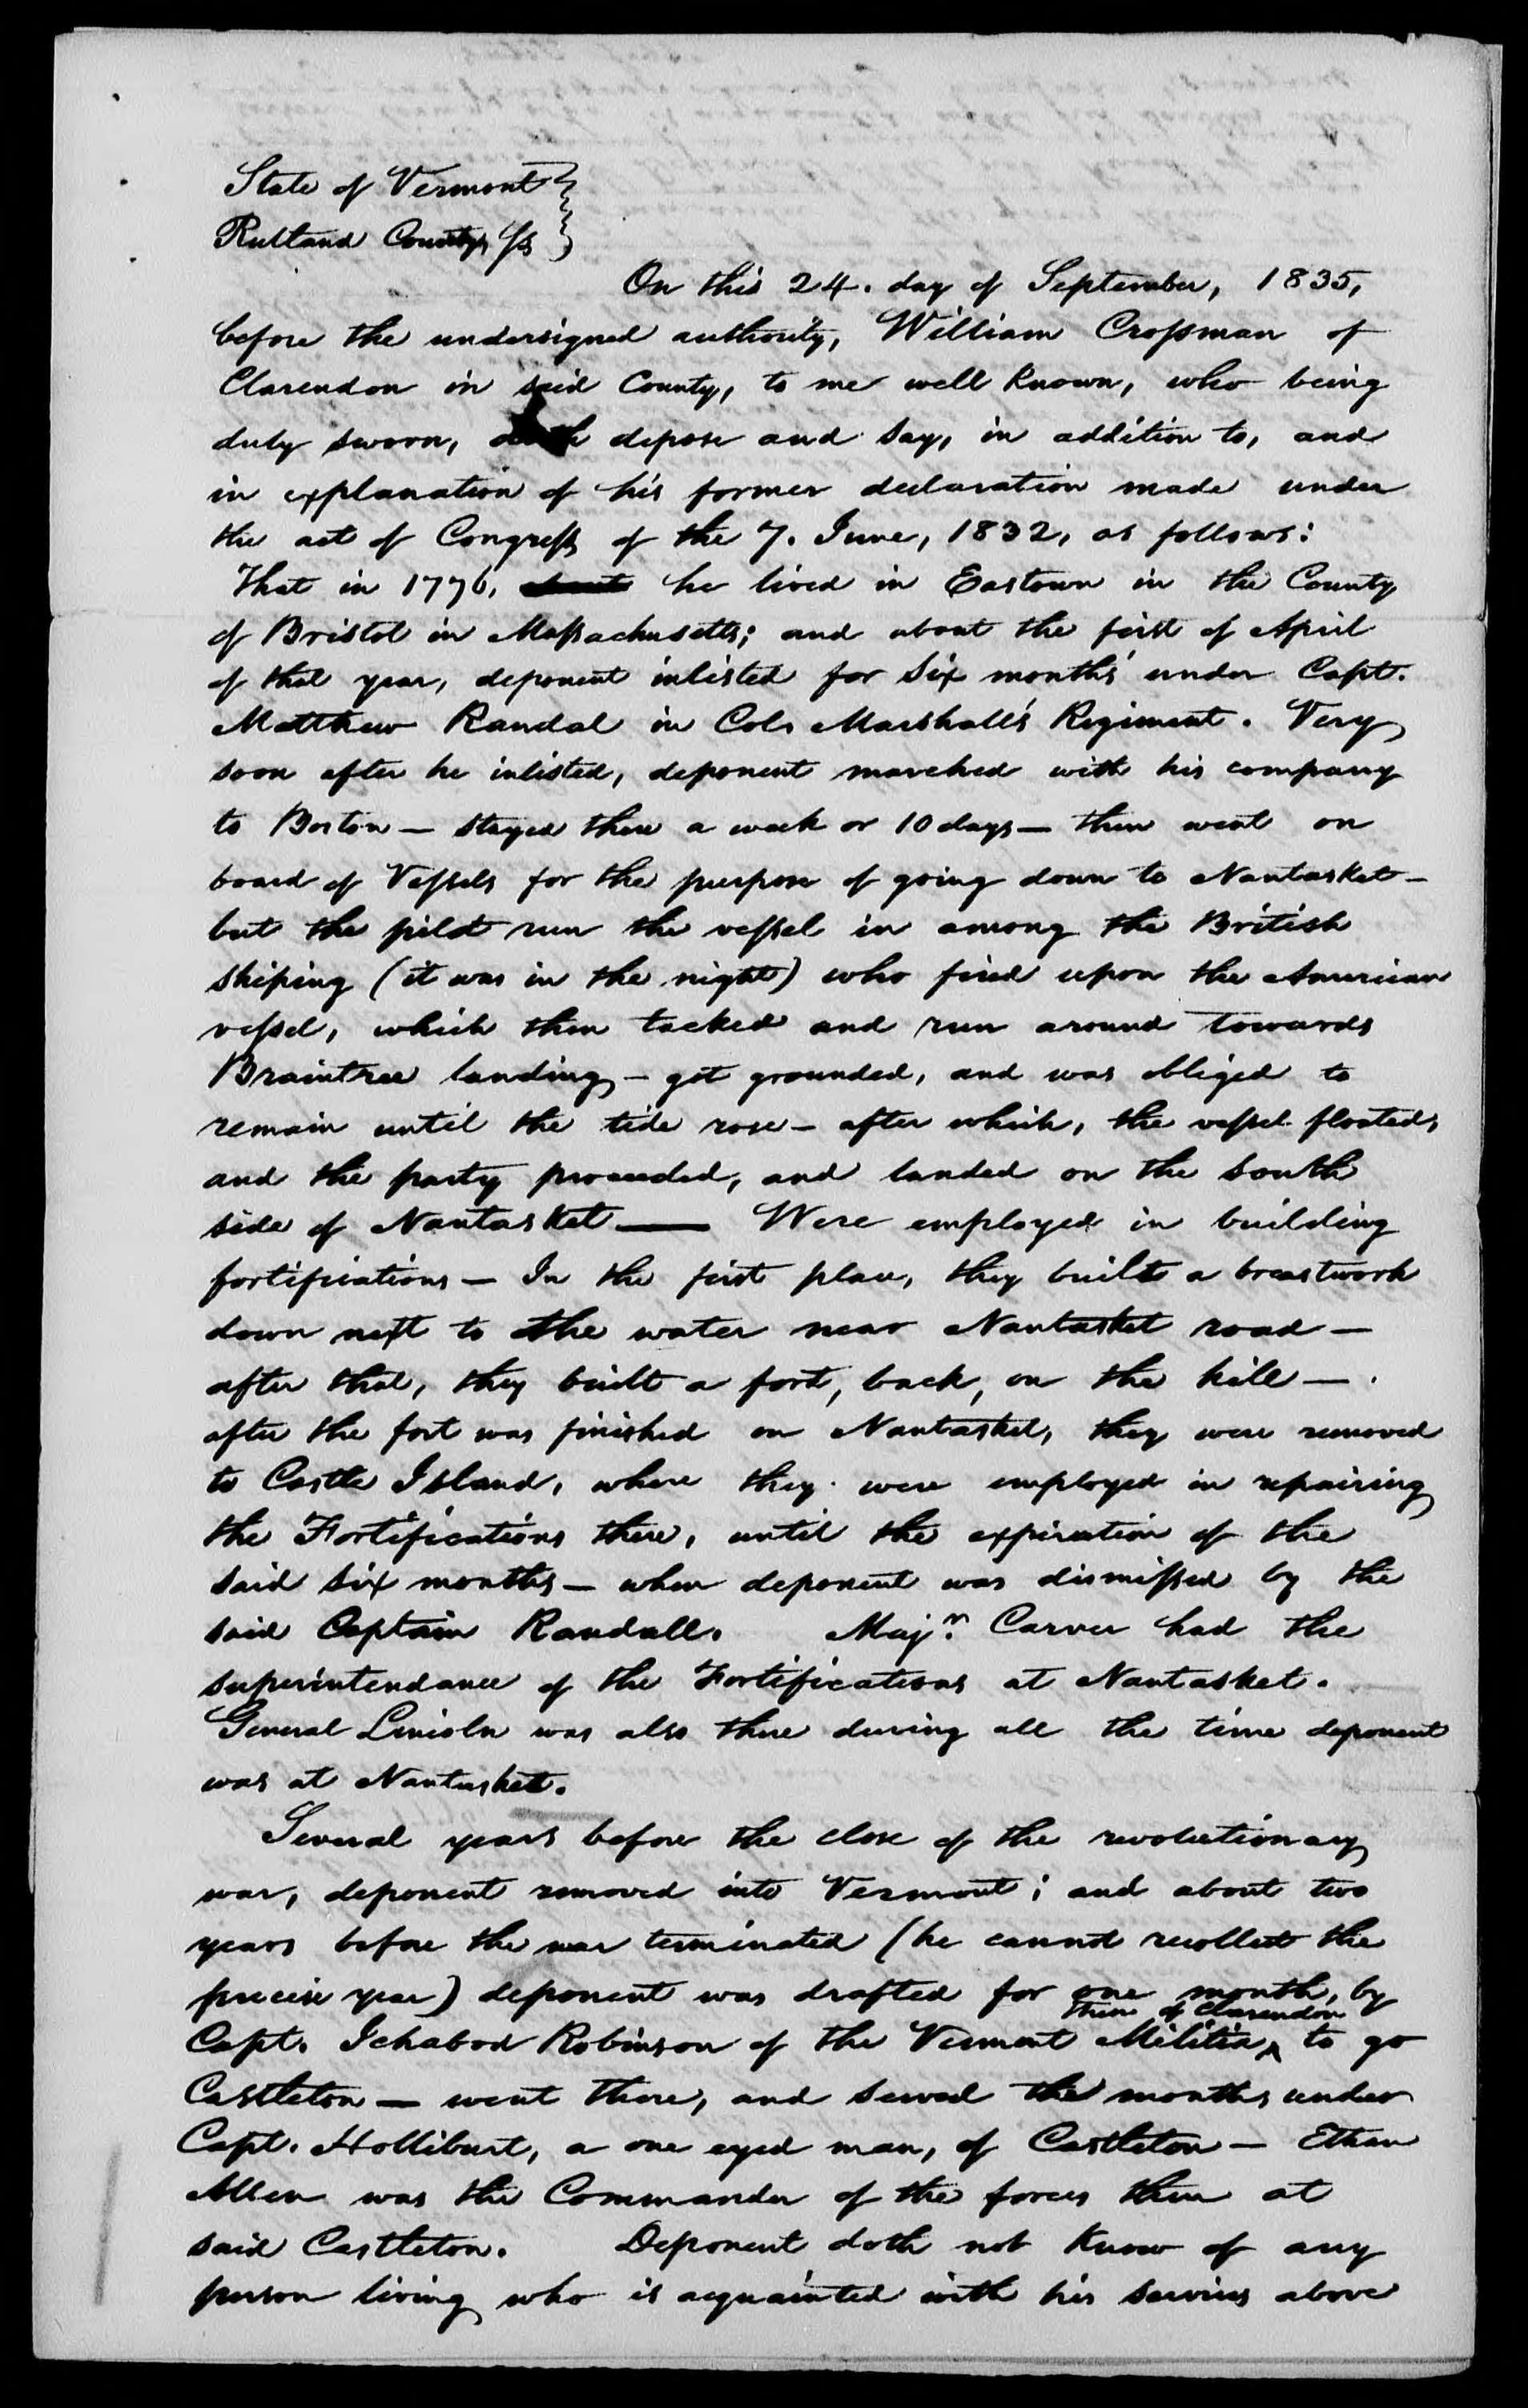State of Vermont
Rutland County ss}
On this 24. day of September, 1835, before the undersigned authority, William Crossman of Clarendon in said County, to me well known, who being duly sworn, doth depose and say, in addition to, and in explanation of his former declaration made under the act of Congress of the 7. June, 1832, as follows:
That in 1776, ['about' crossed out] he lived in Eastown in the County of Bristol in Massachusetts; and about the first of April of that years, deponent inlisted for six months' under Capt. Matthew Randal in Col. Marshall's Regiment. Very soon after he inlisted, deponent marched with his company to Boston - stayed there a week or 10 days - then went on board of Vessels for the purpose of going down to Nantasket - but the pilot run the vessel in among the British Shiping (it was in the night) who fired upon the American vessel, which then tacked and run around towards Braintree landing - got grounded, and was obliged to remain until the tide rose - after which , the vessel floated and the party proceeded, and landed on the South side of Nantasket - Were employed in building fortifications - In the first place, they built a breastwork down next to the water near Nantasket road - after that, they built a fort, back, on the hill - . after the fort was finished on Nantasket, they were removed to Castle Island, where they were employed in repairing the Fortifications there, until the expiration of the said six months - when deponent was dismissed by the said Captain Randall Maj'r Carver had the superintendance of the Fortifications at Nantasket. General Lincoln was also there during all the time deponent was at Nantasket.
Several years before the close of the revolutionary war, deponent removed into Vermont; and about two years before the war terminated (he cannot recollect the precise year) deponent was drafted for one month, by Capt. Ichabod Robinson of the Vermont Militia then of Clarendon to go Castleton - went there, and served the months under Capt. Holliburt, a one eyed man of Castleton - Ethan Allen was the Commander of the forces then at said Castleton. Deponent doth not know of any person living who is acquainted with his service above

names: Carver, Matthew Randal, Ethan Allen, Randall, Ichabod Robinson, Lincoln, Holliburt, William Crossman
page: 8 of 33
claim: survivor's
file: S. 12632, William Crossman, Mass. Vt.